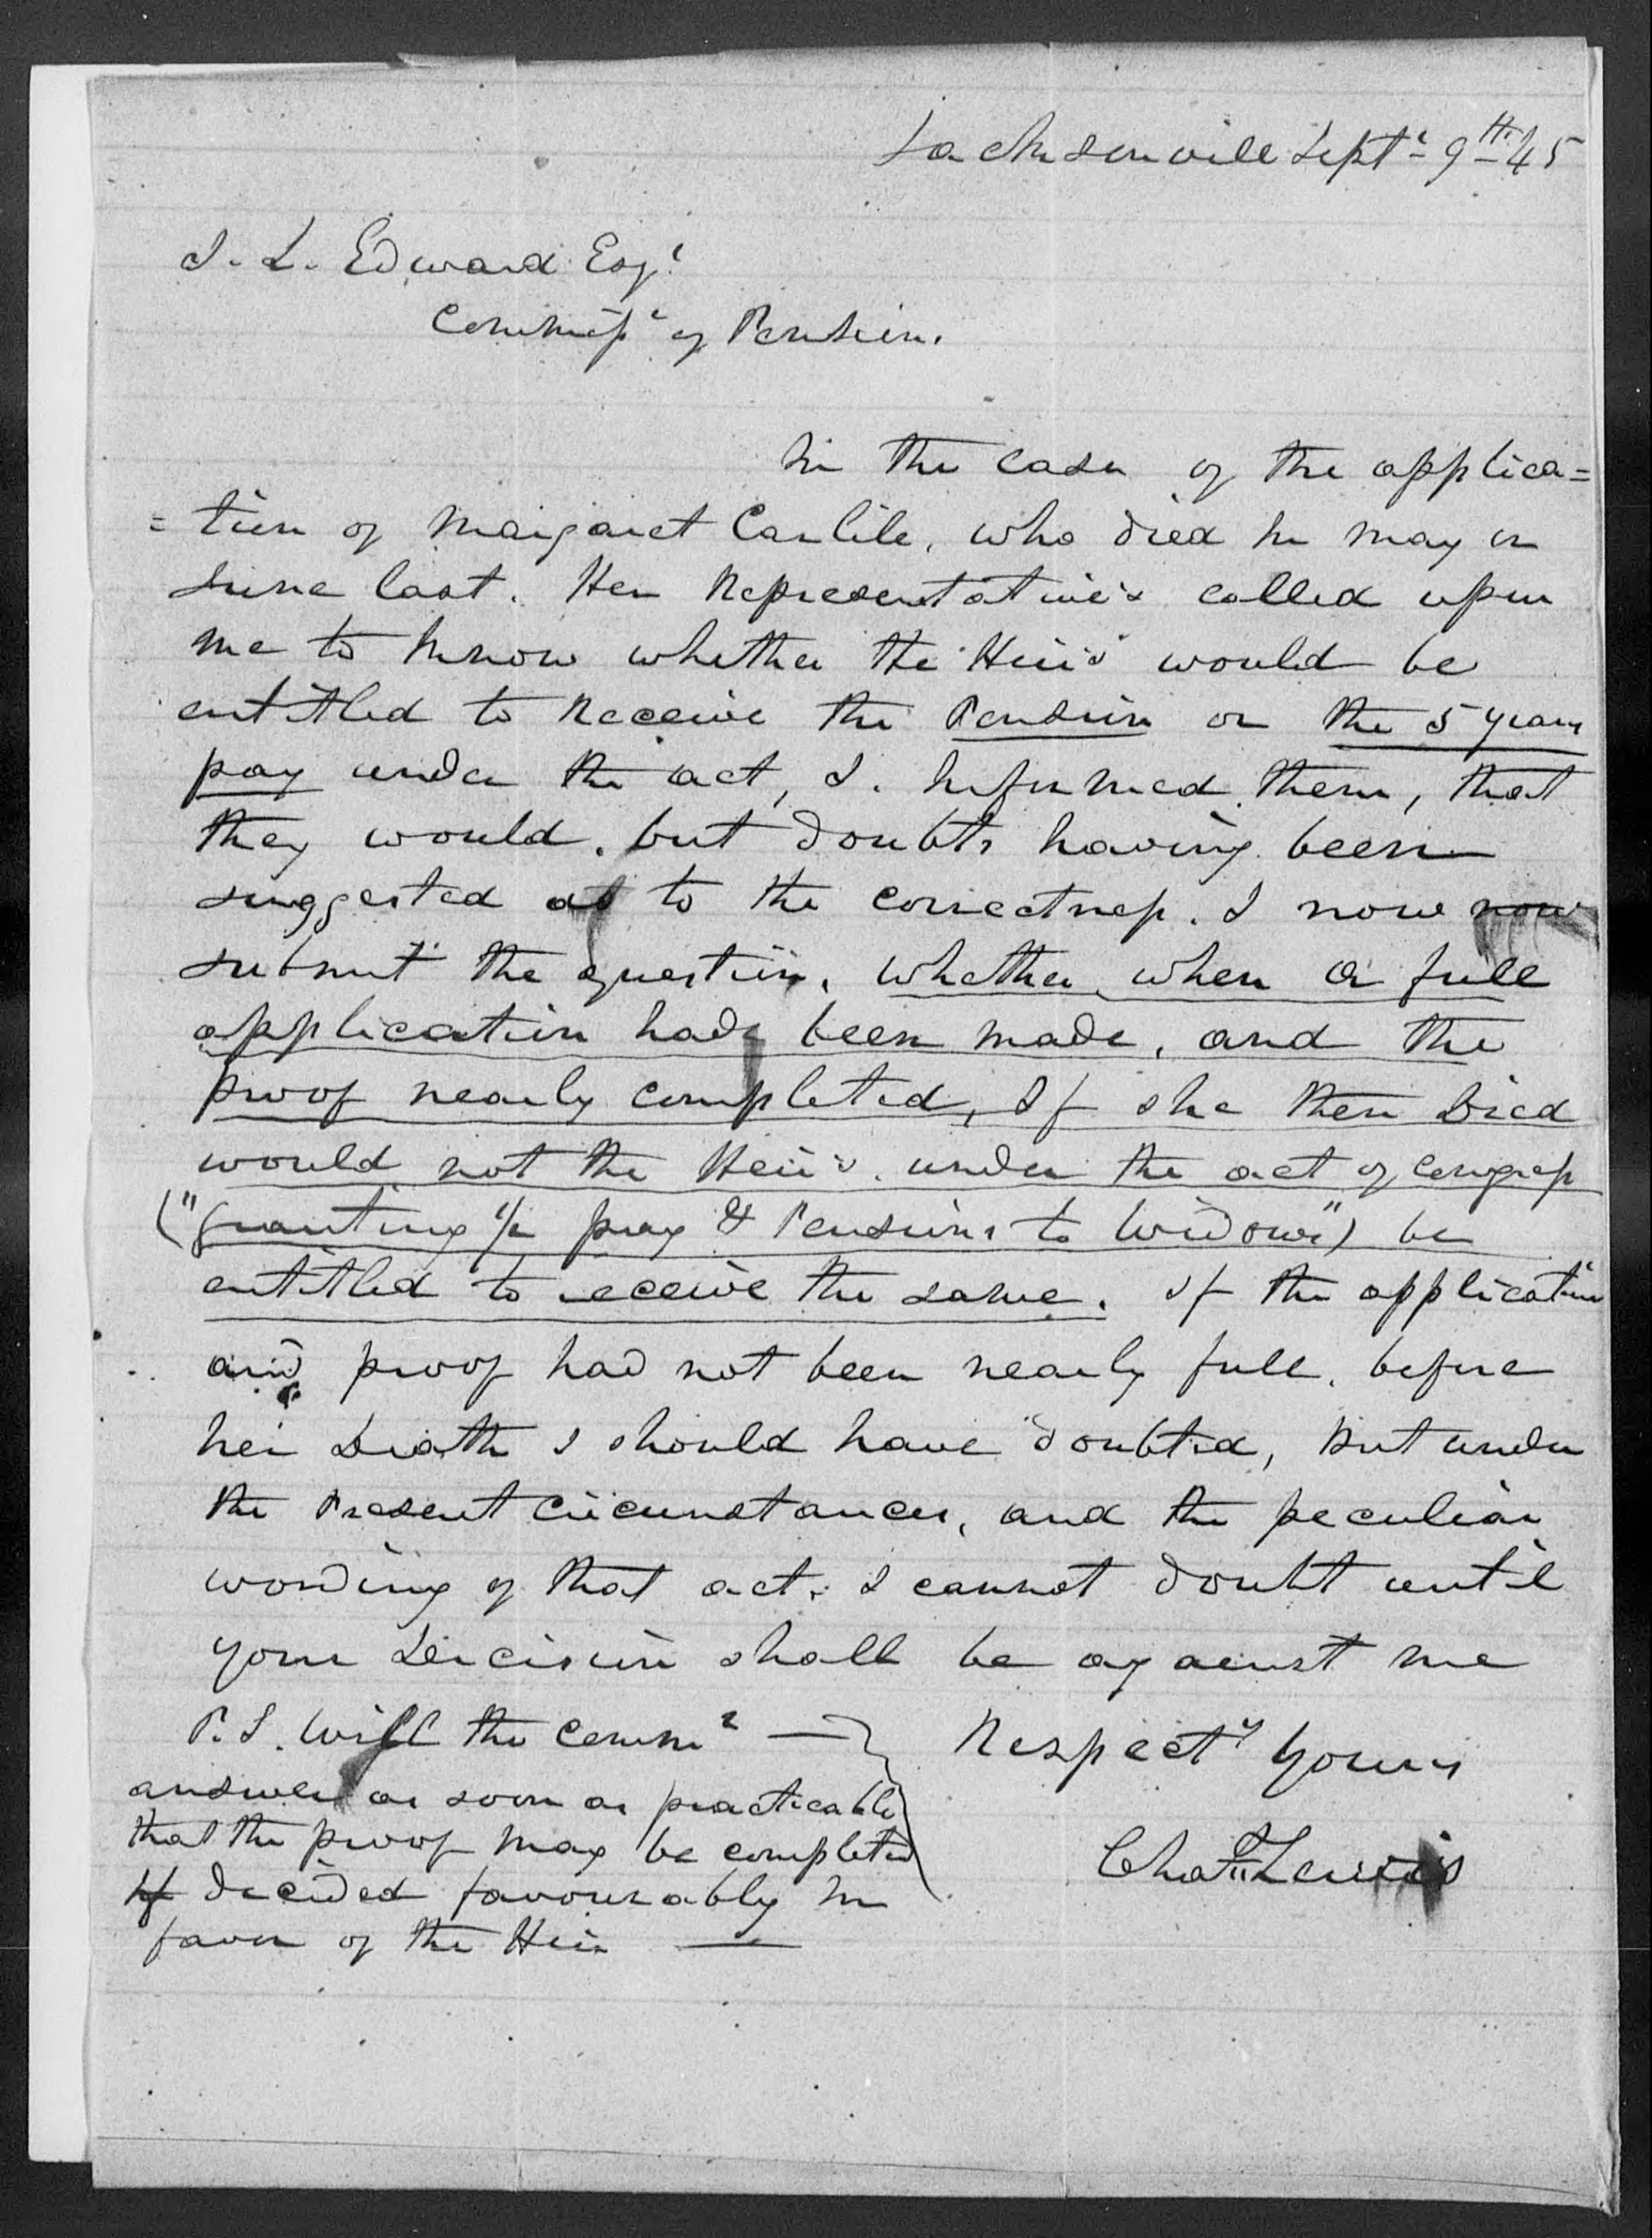Jacksonville  Sept. 9th - 45 J. L. Edwards Esq. Commissioner of Pensions In the case of the application of Margaret Carlisle  who died in  May or June last . Her representative called upon me to know whether the Hiers should be entitled to receive the pensioner the  5 years pay under the act . I informed then that  they would , but doubt having  been suggest as to the correctness. I now  submit the question , Whether when a full application has been made and the proof nearly completed, if she ten  died would not the heirs under the  act of Congress  ("granting half pay  & pensions to widows " )  be entitled to receive the same. If the application and proof has no been nearly full , before he death I should have doubted , but under the present circumstances and the peculiar wording of that act, I cannot doubt until your decision  shall be against me .  Respty. yours Chas. Lewis ( signed ) P.S. Will the Comm.  answer as soon as practicable  that the proof may be completed. if decided favorably in for of the heirs.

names: P S Will, Margaret Carlile, Chas Lewis, J L Edward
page: 65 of 91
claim: widow's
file: W. 10576, Francis Carlisle, S.C.